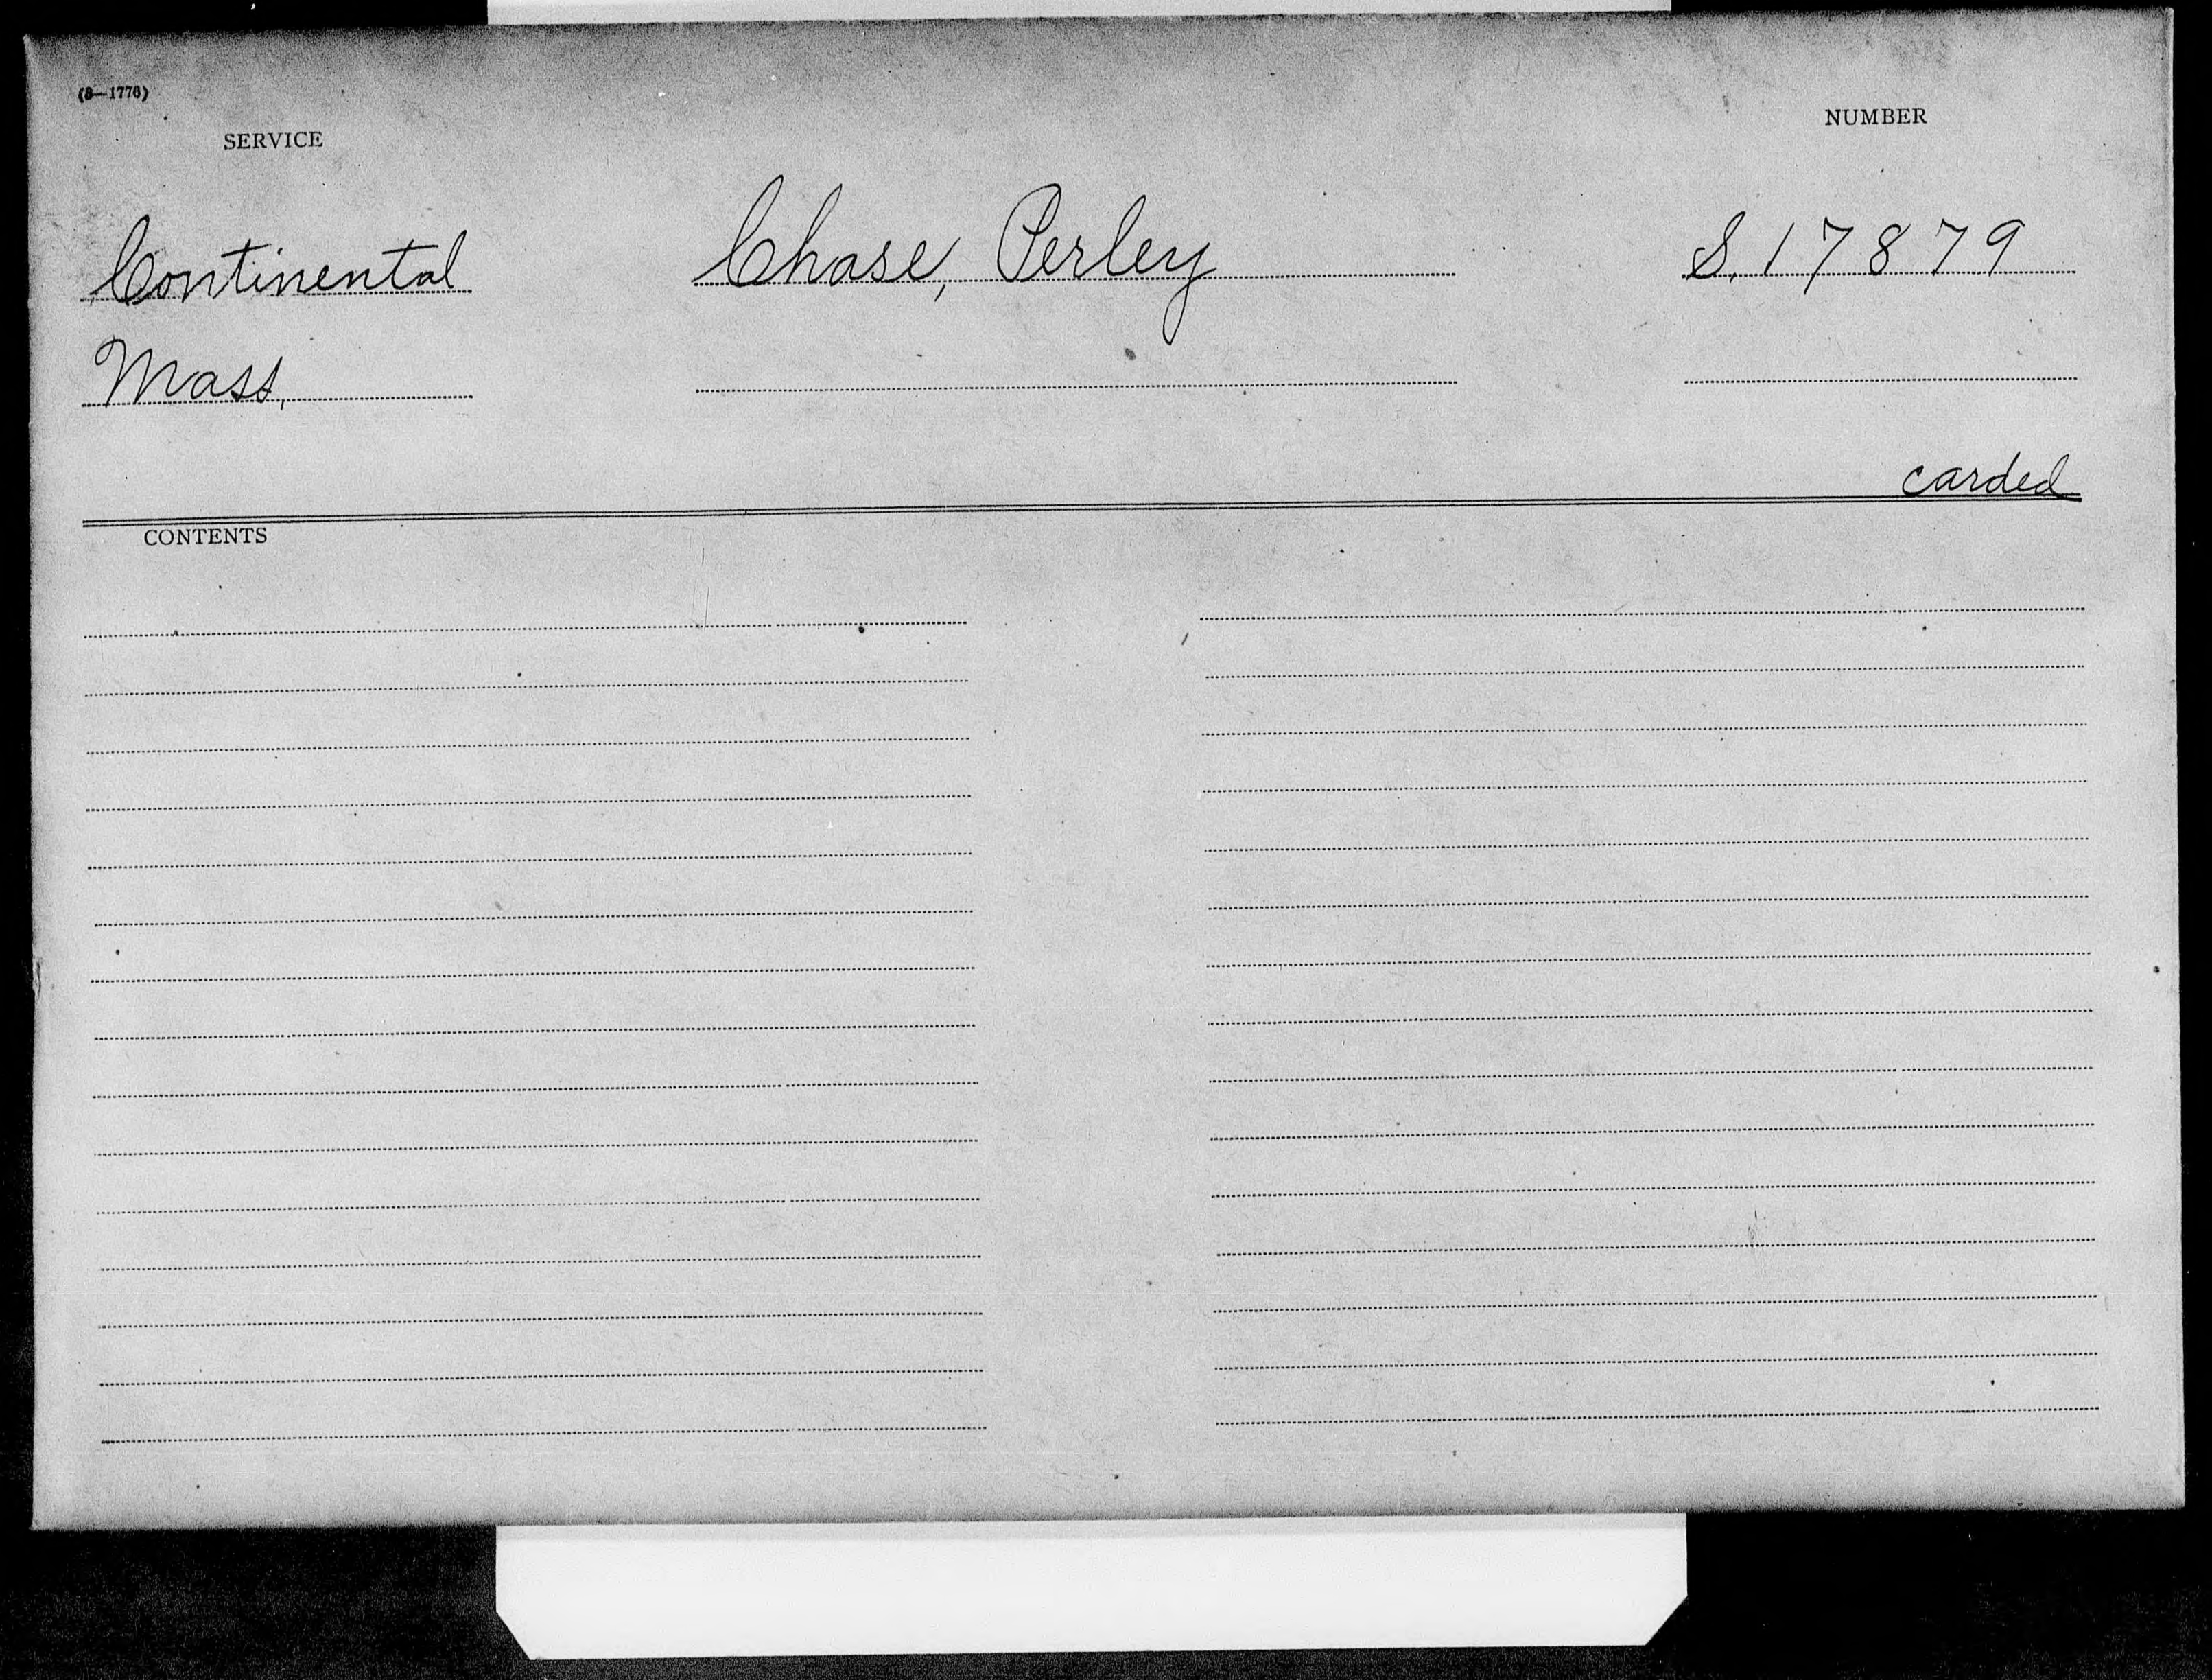Service
Continental
Mass.
Chase, Perley
Number
S 17879
carded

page: 1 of 24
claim: survivor's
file: S. 17879, Perley Chase, Continental Mass.